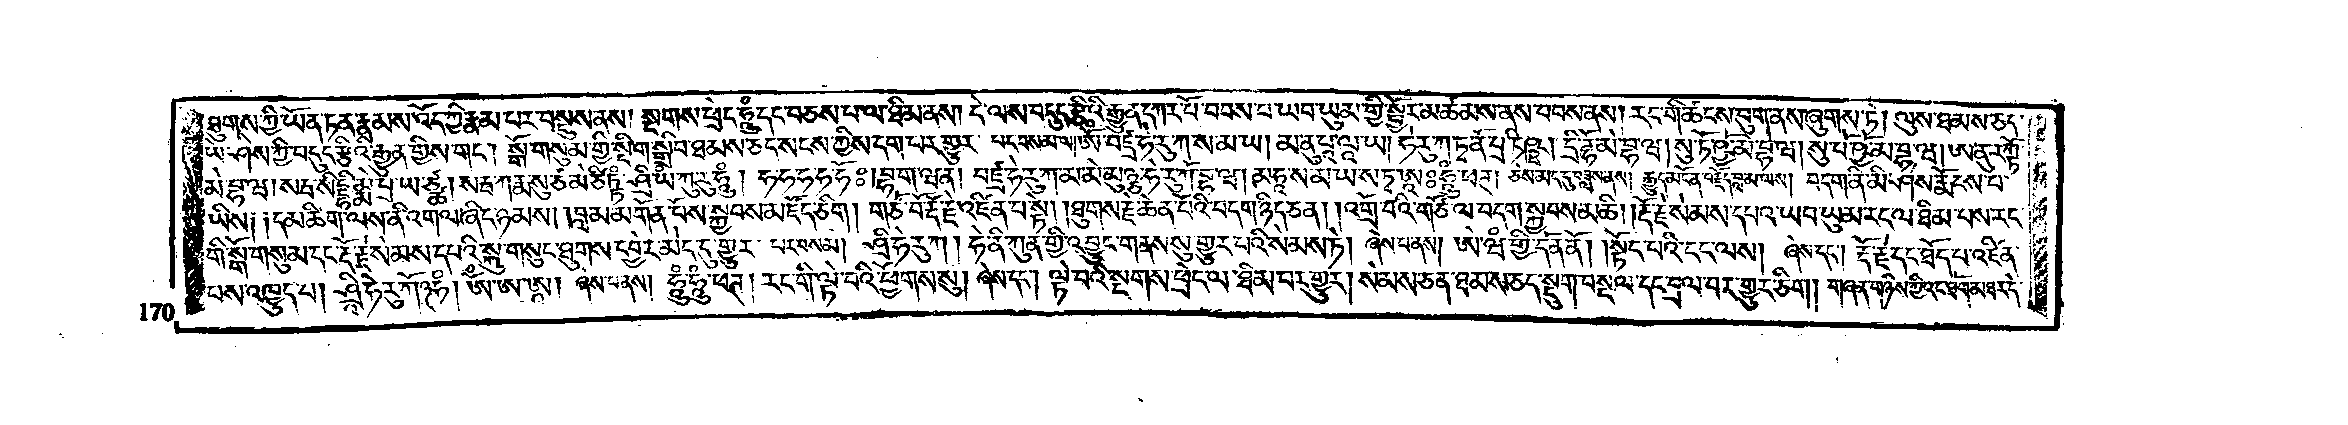ཐུགས་ཀྱི་ཡོན་ཏན་རྣམས་འོད་ཀྱི་རྣམ་པར་བསྡུས་ནས། སྔགས་ཕྲེང་ཧཱུཾ་དང་བཅས་པ་ལ་ཐིམ་ནས། དེ་ལས་བདུད་རྩིའི་རྒྱུན་དཀར་པོ་བབས་པ་ཡབ་ཡུམ་གྱི་སྦྱོར་མཚམས་ནས་བབས་ནས། རང་གི་ཚངས་བུག་ནས་ཞུགས་ཏེ། ལུས་ཐམས་ཅད་
ཡེ་ཤེས་ཀྱི་བདུད་རྩིའི་རྒྱུན་གྱིས་གང་། སྒོ་གསུམ་གྱི་སྡིག་སྒྲིབ་ཐམས་ཅད་སངས་ཀྱིས་དག་པར་གྱུར་པར་བསམ་ལ།  ཨོཾ་བཛྲ་ཧེ་རུ་ཀ་ས་མ་ཡ། མ་ནུ་པཱ་ལཱ་ཡ། ཧེ་རུ་ཀ་ཏྭ་ནོ་པྲ་ཏིཥཊཿཨ། དྲི་ཌྷོ་མེ་བྷ་ཝ། སུ་ཏོ་ཥྱོ་མེ་བྷ་ཝ། སུ་པོ་ཥྱོ་མ་བྷ་ཝ། ཨ་ནུ་རཀྟོ་
མེ་བྷ་ཝ། སརྦ་སིདྡྷི་མྨེ་པྲ་ཡ་ཙྪ། སརྦ་ཀརྨ་སུ་ཙ་མེ་ཙི་ཏྟཾ་ཤྲི་ཡཾ་ཀུ་རུ་ཧཱུཾ། ཧ་ཧ་ཧ་ཧ་ཧོཿ། བྷ་ག་ཝན། བཛྲ་ཧེ་རུ་ཀ་མ་མེ་མུཉྩ་ཧེ་རུ་ཀོ་བྷ་ཝ། མཧཱ་ས་མ་ཡ་ས་ཏྭ་ཨཱཿ ཧཱུཾ་ཕཊ། ཅེས་མང་དུ་བཟླས་ནས། རྒྱུད་མངོན་བརྗོད་བླ་མ་ལས།  བདག་ནི་མི་ཤེས་རྨོངས་པ་
ཡིས། །དམ་ཚིག་ལས་ནི་འགལ་ཞིང་ཉམས། །བླ་མ་མགོན་པོས་སྐྱབས་མཛོད་ཅིག །གཙོ་བོ་རྡོ་རྗེ་འཛིན་པ་སྟེ། །ཐུགས་རྗེ་ཆེན་པོའི་བདག་ཉིད་ཅན། །འགྲོ་བའི་གཙོ་ལ་བདག་སྐྱབས་མཆི། །རྡོ་རྗེ་སེམས་དཔའ་ཡབ་ཡུམ་རང་ལ་ཐིམ་པས་རང་
གཾ་སྒོ་གསུམ་དང་རྡོ་རྗེ་སེམས་དཔའི་སྐུ་གསུང་ཐུགས་དབྱེར་མེད་དུ་གྱུར་པར་བསམ།  ཤྲི་ཧེ་རུ་ཀ། ཧེ་ནི་ཀུན་གྱི་འབྱུང་གནས་སུ་གྱུར་པའི་སེམས་ཏེ། ཞེས་པ་ནས།  ཨེ་ཝཾ་གྱི་དོན་ནོ། །སྟོང་པའི་ངང་ལས། ཞེས་དང་།  རྡོ་རྗེ་དང་ཐོད་པ་འཛིན་
པས་འཁྱུད་པ། ཤྲཱི་ཧེ་རུ་ཀོཉཧཾ། ཨོཾ་ཨ་ཨཱ། ཞེས་པ་ནས། ཧཱུཾ་ཧཱུཾ་ཕཊ། རང་གི་ལྟེ་བའི་ཕྱོགས་སུ། ཞེས་དང། ལྟེ་བའི་སྔགས་ཕྲེང་ལ་ཐིམ་པར་གྱུར། སེམས་ཅན་ཐམས་ཅད་སྡུག་བསྔལ་དང་བྲལ་བར་གྱུར་ཅིག །གཞན་གཉིས་ཀྱིའང་ཐོག་མཐར་དེ་